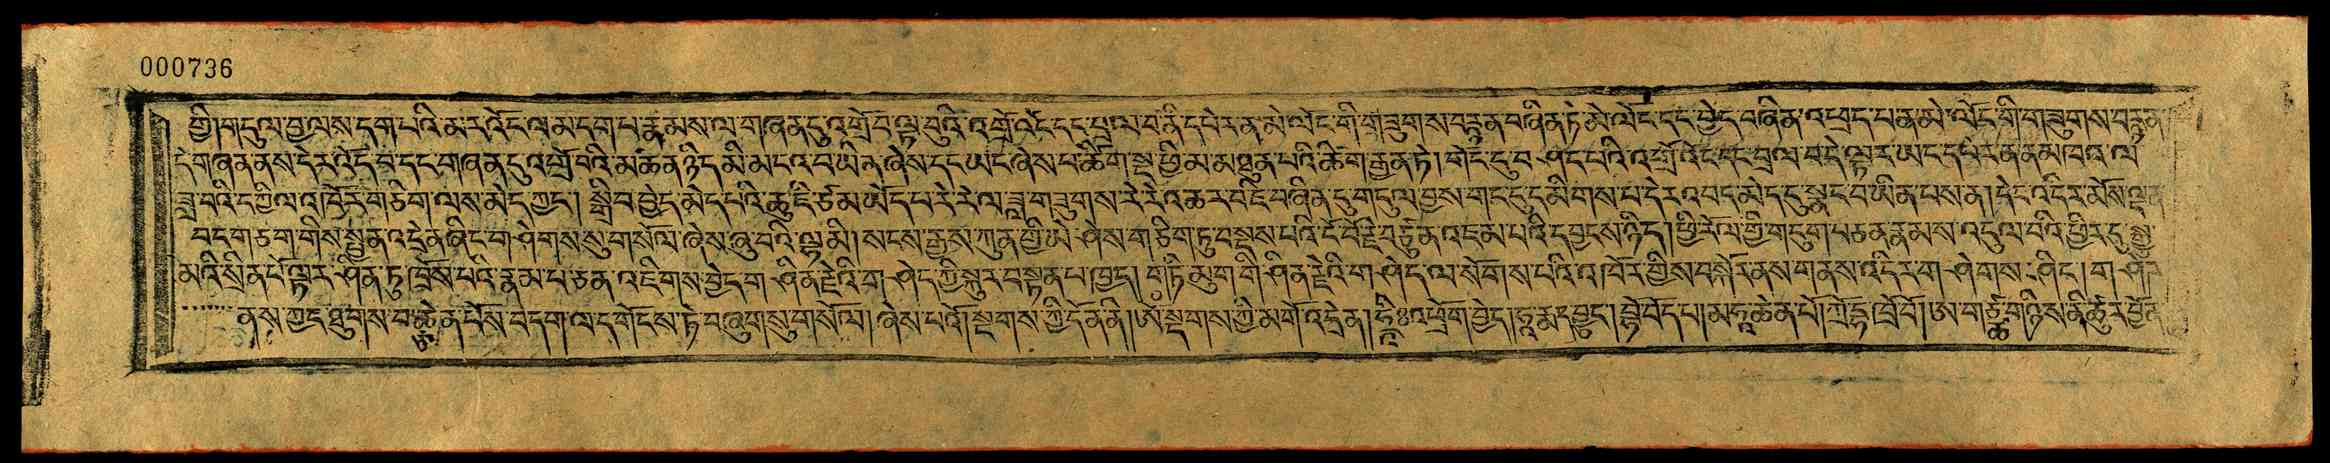གྱི། གདུལ་བྱ་ལས་དག་པའི་སར་འོང་ལ་མ་དག་པ་རྣམས་ལ་གཞན་དུ་འགྲོ་བ་ལྟ་བུའི་འགྲོ་འོང་དང་བྲལ་བ་ནི་དཔེར་ན་མེ་ལོང་གི་གཟུགས་བརྙན་བཞིན་ཏེ་མེ་ལོང་དང་བྱད་བཞིན་འཕྲད་པ་ན་མེ་ལོང་གི་གཟུགས་བརྙན་
དེ་གཞན་ནས་འདིར་འོང་པ་དང་གཞན་དུ་འགྲོ་བའི་མཚན་ཉིད་མི་མངའ་བ་ཡིན་ཞེས་དང་ཡང་ཞེས་པ་ཚིག་སྔ་ཕྱི་མི་མཐུན་པའི་ཚིག་རྒྱན་ཏེ། གོང་དུ་བཤད་པའི་འགྲོ་འོང་དང་བྲལ་བ་དེ་ལྟར་ཡང་དཔེར་ནན་མཁའ་ལ་
ཟླ་བའི་དཀྱིལ་འཁོར་གཅིག་ལས་མེད་ཀྱང་། སྒྲིབ་བྱེད་མེད་པའི་ཆུ་ཇི་ཙམ་ཡོད་པ་རེ་རེ་ལ་ཟླ་གཟུགས་རེ་རེ་འཆར་བ་ཇི་བཞིན་དུ་གདུལ་བྱས་གང་དུ་དམིགས་པ་དེར་འབད་མེད་དུ་སྣང་བ་ཡིན་པས་ན། དེང་འདིར་མོས་ལྡན་
བདག་ཅག་གིས་སྤྱན་འདྲེན་ཞིང་གཤེགས་སུ་གསོལ་ཞེས་ཞུ་བའི་ལྷ་ནི། སངས་རྒྱས་ཀུན་གྱི་ཡེ་ཤེས་གཅིག་ཏུ་བསྡུས་པའི་ངོ་བོ་རྗེ་བཙུན་འཇམ་པའི་དབྱངས་ཉིད། ཕྱི་རོལ་གྱི་གདུག་པ་ཅན་རྣམས་འདུལ་བའི་ཕྱིར་དུ་སྒྱུ་
མའི་སྲིན་པོ་ལྟར་ཤིན་ཏུ་ཁྲོས་པའི་རྣམ་པ་ཅན་འཇིགས་བྱེད་གཤིན་རྗེའི་གཤེད་ཀྱི་སྐུར་བསྟན་པ་ཁྱོད། གཏི་མུག་གཤིན་རྗེའི་གཤེད་ལ་སོགས་པའི་འཁོར་གྱིས་བསྐོར་ནས་གནས་འདིར་གཤེགས་ཤིང་། གཤེཌ་
ནས་ཀྱང་ཐུགས་བརྩེ་བ་ཆེན་པོས་བདག་ལ་དགོངས་ཏེ་བཞུགས་སུ་གསོལ། ཞེས་པའོ། སྔགས་ཀྱི་དོན་ནི། ཨོཾ་སྔགས་ཀྱི་མགོ་འདྲེན། ཧྲཱིཿ འཕྲོག་བྱེད། ཧཱ་རྨད་བྱུང་། བྷོ་བོད་པ། མཧཱ་ཆེན་པོ། ཀྲོ་དྷ་ཁྲོ་བོ། ཨ་གཙྪ་གཉིས་ནི་ཚུར་བྱོན་